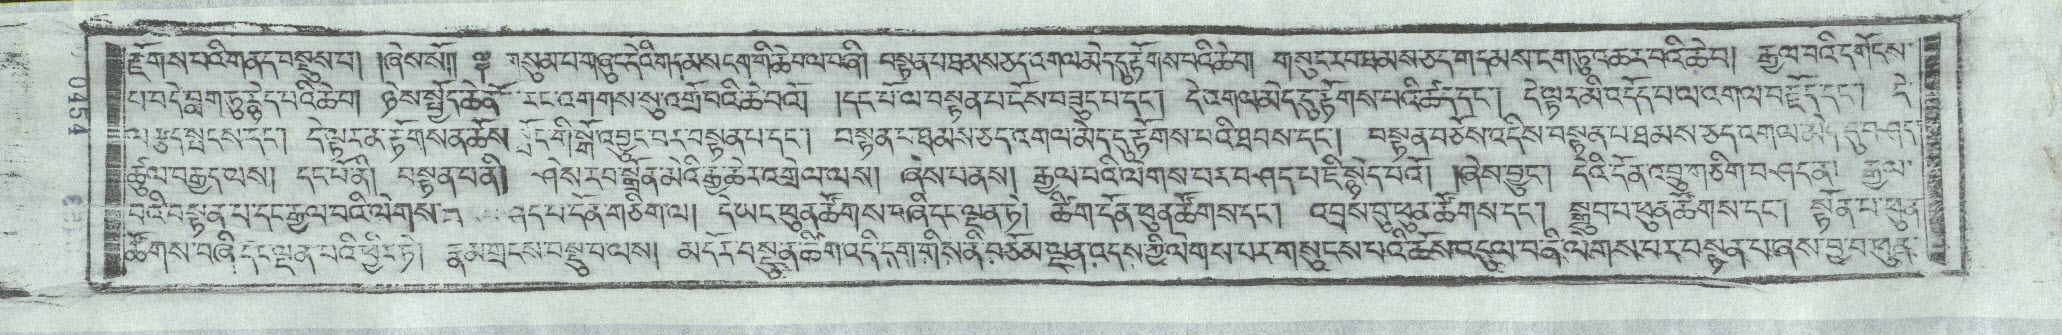རྫོགས་པའི་གནད་བསྡུས་པ། །ཞེས་སོ།། ༈ གསུམ་པ་གཞུང་དེའི་གདམས་ངག་གི་ཆེ་བ་ལ་བཞི། བསྟན་པ་ཐམས་ཅད་འགལ་མེད་དུ་རྟོགས་པའི་ཆེ་བ། གསུང་རབ་ཐམས་ཅད་གདམས་ངག་ཏུ་འཆར་བའི་ཆེ་བ། རྒྱལ་བའི་དགོངས་
པ་བདེ་བླག་ཏུ་རྙེད་པའི་ཆེ་བ། ཉེས་སྤྱོད་ཆེ་ནོར་རང་འགགས་སུ་འགྲོ་བའི་ཆེ་བའོ། །དང་པོ་ལ་བསྟན་པ་ངོས་བཟུང་པ་དང་། དེ་འགལ་མེད་དུ་རྟོགས་པའི་ཚད་དང་། དེ་ལྟར་མི་འདོད་པ་ལ་འགལ་བརྗོད་དང་། དེ་
ལ་རྩད་སྤངས་དང་། དེ་ལྟར་ན་རྟོགས་ན་ཆོས་སྤོང་གི་སྒོ་འབྱུང་བར་བསྟན་པ་དང་། བསྟན་པ་ཐམས་ཅད་འགལ་མེད་དུ་རྟོགས་པའི་ཐབས་དང་། བསྟན་བཅོས་འདིས་བསྟན་པ་ཐམས་ཅད་འགལ་མེད་དུ་བཤད་
ཚུལ་བརྒྱད་ལས། དང་པོ་ནི། བསྟན་བ་ནི། ཤེས་རབ་སྒྲོན་མེའི་རྒྱ་ཆེར་འགྲེལ་ལས། ཞེས་པ་ནས། རྒྱལ་བའི་ལེགས་པར་བཤད་པ་ཇི་སྙེད་པའོ། །ཞེས་བྱུང་། དེའི་དོན་འབྲུ་གཅིག་བཤད་ན། རྒྱལ་
བའི་བསྟན་པ་དང་རྒྱལ་བའི་ལེགས་བར་བཤད་པ་དོན་གཅིག་ལ། དེ་ཡང་ཕུན་ཚོགས་བཞི་དང་ལྡན་ཏེ། ཚིག་དོན་ཕུན་ཚོགས་དང་། འབྲས་བུ་ཕུན་ཚོགས་དང་། སྒྲུབ་པ་ཕུན་ཚོགས་དང་། སྟོན་པ་ཕུན་
ཚོགས་བཞི་དང་ལྡན་པའི་ཕྱིར་ཏེ། རྣམ་གྲངས་བསྡུ་བ་ལས། མདོར་བསྡུ་ན་ཚིག་འདི་དག་གིས་ནི་བཅོམ་ལྡན་འདས་ཀྱི་ལེགས་པར་གསུངས་པའི་ཆོས་འདུལ་བ་ནི་ལེགས་པར་བསྟན་པ་ཞས་བྱ་བ་ཕུན་